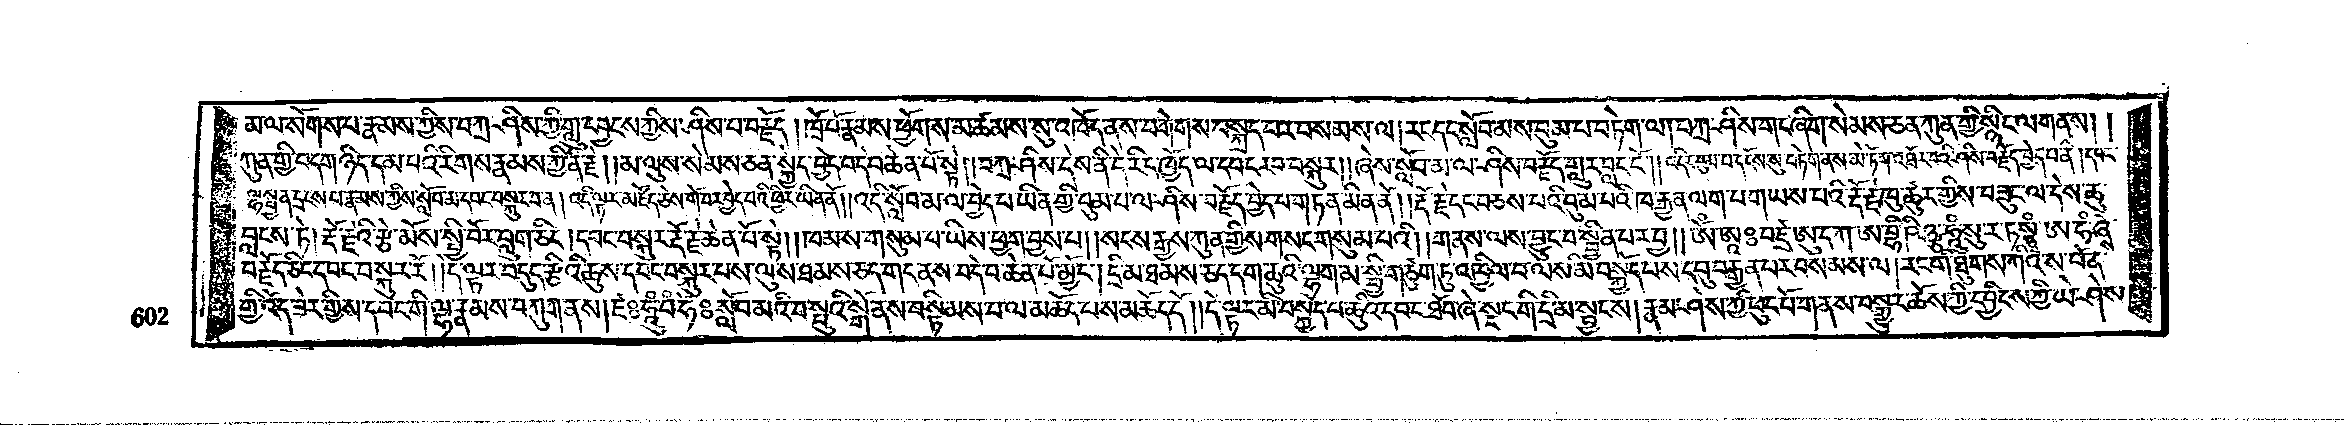མ་ལ་སོགས་པ་རྣམས་ཀྱིས་བཀྲ་ཤིས་ཀྱི་གླུ་དབྱངས་ཀྱིས་ཤིས་པ་བརྗོད། ཁྲོ་བོ་རྣམས་ཕྱོགས་མཚམས་སུ་འཁོད་ནས་བགེགས་བསྐྲད་པར་བསམས་ལ། རང་དང་སློབ་མས་བུམ་པ་བཏེག་ལ། བཀྲ་ཤིས་གང་ཞིག་སེམས་ཅན་ཀུན་གྱི་སྙིང་ལ་གནས། །
ཀུན་གྱི་བདག་ཉིད་དམ་པའི་རིགས་རྣམས་ཀྱི་ནི་རྗེ། །མ་ལུས་སེམས་ཅན་སྐྱེད་བྱེད་བདེ་བ་ཆེན་པོ་སྟེ། །བཀྲ་ཤིས་དེས་ནི་དེ་རིང་ཁྱོད་ལ་དབང་རབ་བསྐུར། །ཞེས་སློབ་མ་ལ་ཤིས་བརྗོད་གླུར་བླང་ངོ། །འདིར་བུམ་པ་དངོས་སུ་བཏེག་ནས་མེ་ཏོག་འཐོར་བའི་ཤིས་བརྗོད་བྱེད་པ་ནི། དབང་
ལྷ་སྤྱན་དྲངས་པ་རྣམས་ཀྱིས་སློབ་མ་དབང་བསྐུར་བ་ན། འདི་ལྟར་མཛོད་ཅེས་གོ་བར་བྱེད་པའི་ཕྱིར་ཡིན་ནོ། །འདི་སློབ་མ་ལ་བྱེད་པ་ཡིན་གྱི་བུམ་པ་ལ་ཤིས་བརྗོད་བྱེད་པ་གཏན་མིན་ནོ། །རྡོ་རྗེ་དང་བཅས་པའི་བུམ་པའི་ཁ་རྒྱན་ལག་པ་གཡས་པའི་རྡོ་རྗེ་ཁུ་ཚུར་གྱིས་བཟུང་ལ་དེས་ཆུ་
བླངས་ཏེ། རྡོ་རྗེའི་རྩེ་མོས་སྤྱི་བོར་བླུག་ཅིང་། དབང་བསྐུར་རྡོ་རྗེ་ཆེན་པོ་སྟེ། །ཁམས་གསུམ་པ་ཡིས་ཕྱག་བྱས་པ། །སངས་རྒྱས་ཀུན་གྱིས་གསང་གསུམ་པའི། །གནས་ལས་བྱུང་བ་སྦྱིན་པར་བྱ། །ཨོཾ་ཨཱཿ བཛྲ་ཨུ་ད་ཀ་ཨ་བྷི་ཥིཉྩ་ཧཱུཾ་སུ་ར་ཏ་སྟྭཾ་ཨ་ཧཾ་ཞེས་
བརྗོད་ཅིང་དབང་བསྐུར་རོ། །དེ་ལྟར་བདུད་རྩིའི་ཆུས་དབང་བསྐུར་བས་ལུས་ཐམས་ཅད་གང་ནས་བདེ་བ་ཆེན་པོ་མྱོང་། དྲི་མ་ཐམས་ཅད་དག་ཆུའི་ལྷག་མ་སྤྱི་གཙུག་ཏུ་འཁྱིལ་བ་ལས་མི་བསྐྱོད་པས་དབུ་བརྒྱན་པར་བསམས་ལ། རང་གི་ཐུགས་ཀའི་ས་བོན་
གྱི་འོད་ཟེར་གྱིས་དབང་གི་ལྷ་རྣམས་བཀུག་ནས། ཛཿ ཧཱུམ་བཾ་ཧོཿ སློབ་མའི་བ་སྤུའི་སྒོ་ནས་བསྟིམས་པ་ལ་མཆོད་པས་མཆོད་དོ། །དེ་ལྟར་མི་བསྐྱོད་པ་ཆུའི་དབང་ཐོབ་ཞེ་སྡང་གི་དྲི་མ་སྦྱངས། རྣམ་ཤེས་ཀྱི་ཕུང་པོ་གནས་བསྒྱུར་ཆོས་ཀྱི་དབྱིངས་ཀྱི་ཡེ་ཤེས་